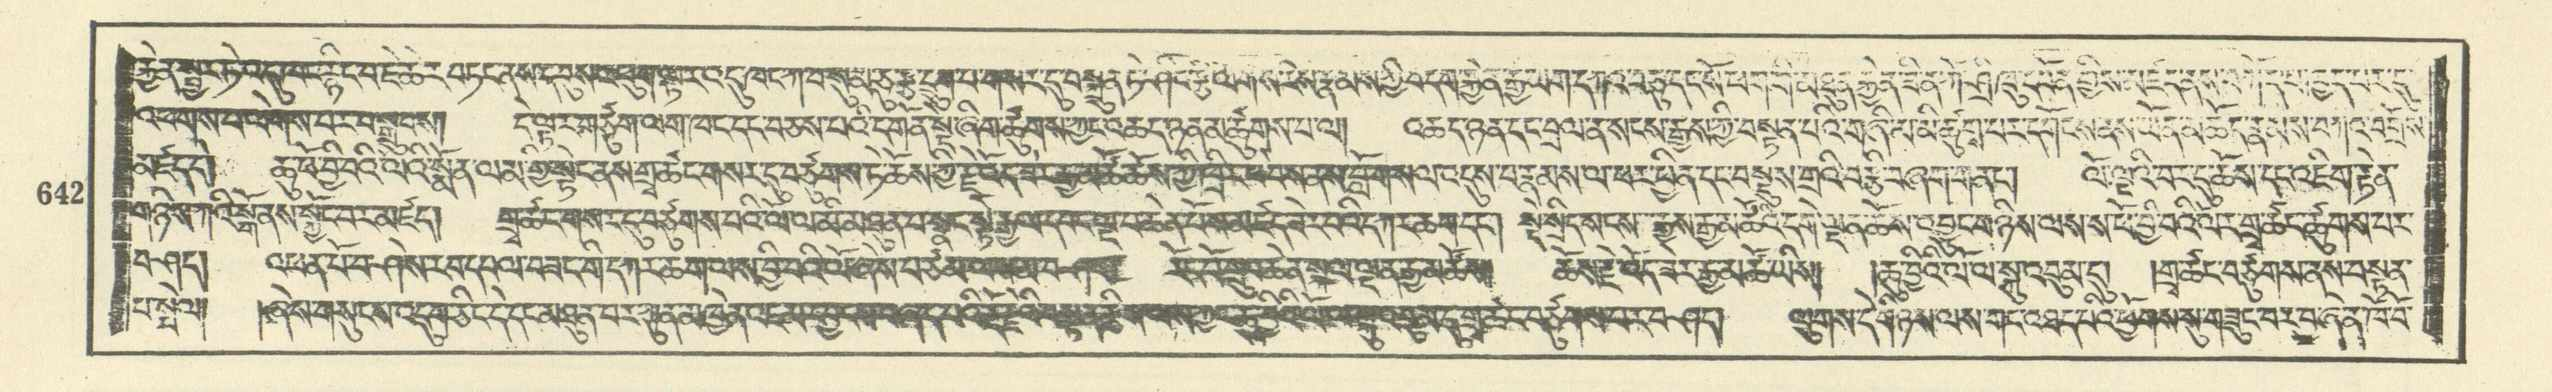རྐྱེན་སྦྱར་ཏེ་འདུ་ཁང་རྙིང་བ་ཇེ་ཆེར་བཏང་ནས་དབུས་འཕུག་ལྟར་འདུ་ཁང་ཀ་བ་སུམ་ཅུ་རྩ་དྲུག་པ་གསར་དུ་བསྐྲུན་ཏེ་ཤིང་རྩི་ལོགས་རིས་རྣམས་ཀྱི་བདག་རྐྱེན་རྒྱ་ཡག་དཀའ་བཅུ་དང་སོ་ཕག་གི་མཐུན་རྐྱེན་ཟིན་ཀོ་ཤྲི་ཁུ་དབོན་གྱིས་མཛད་ནས་བཀོད་པ་ཁྱད་པར་དུ་
འཕགས་པ་ལེགས་པར་བསྒྲུབས། དེ་ལྟར་གཙུག་ལག་ཁང་དང་བཅས་པའི་དགོན་སྡེ་ཞིག་ཚུགས་ཀྱང་འཆད་ཉན་མ་ཚུགས་པ་ལ། འཆད་ཉན་དང་བྲལ་ན་སངས་རྒྱས་ཀྱི་བསྟན་པའི་གཞི་མ་མི་ཚུགས་པར་དགོངས་ནས་ཡོན་མཆོད་རྣམས་བཀའ་བགྲོས་
མཛད་དེ། ཆུ་ཕོ་བྱི་བའི་ལོའི་སྨོན་ལམ་གྱི་སྟེང་ནས་གྲྭ་ཚང་གསར་དུ་བཙུགས་ཏེ་ཆོས་ཀྱི་རྗེ་འོད་ཟེར་རྒྱ་མཚོ་ཆོས་ཀྱི་ཁྲིར་ཕེབས་ནས་བློ་གསལ་འདུས་པ་རྣམས་ལ་ཕར་ཕྱིན་དང་བསྡུས་གྲའི་བརྩི་བཞག་གནང་། ལོ་ལྔའི་བར་དུ་ཆོས་དང་འཇིག་རྟེན་
གཉིས་ཀའི་སྒོ་ནས་སྐྱོང་བར་མཛད། གྲྭ་ཚང་གསར་དུ་བཙུགས་པའི་ལོ་ལ་མི་མཐུན་པ་སྣང་སྟེ་རྒྱལ་དབང་ལྔ་པ་ཆེན་པོས་མཛད་ཟེར་བའི་དཀར་ཆག་དང་། སྡེ་སྲིད་སངས་རྒྱས་རྒྱ་མཚོའི་དགེ་ལྡན་ཆོས་འབྱུང་གཉིས་ལས་ས་ཕོ་བྱི་བའི་ལོར་གྲྭ་ཚང་ཚུགས་པར་
བཤད། འཕན་པོ་བཤེས་རབ་དཔལ་བཟང་གི་དཀར་ཆག་ལས་བྱི་བའི་ལོ་ཞེས་པ་ཙམ་ལས་མ་བཤད། རོང་བོ་གྲུབ་ཆེན་སྐལ་ལྡན་རྒྱ་མཚོས། ཆོས་རྗེ་འོད་ཟེར་རྒྱ་མཚོ་ཡིས། །ཆུ་བྱིའི་ལོ་ལ་སྐུ་འབུམ་དུ། །གྲྭ་ཚང་བཙུགས་ནས་བསྟན་
པ་སྤེལ། །ཞེས་གསུངས་འདུག་ཅིང་དེ་དང་མཐུན་པར་ཀུན་མཁྱེན་འཇམ་དབྱངས་བཞད་པའི་རྡོ་རྗེའི་བསྟན་རྩིས་ལས་ཀྱང་ཆུ་བྱིའི་ལོ་ལ་སྐུ་འབུམ་དུ་གྲྭ་ཚང་བཙུགས་པར་བཤད། ལུགས་དེ་གཉིས་ལས་གང་འཐད་པའི་ཕྱོགས་སུ་གཟུང་བར་བྱ་ཞེ་ན་ཁོ་བོ་